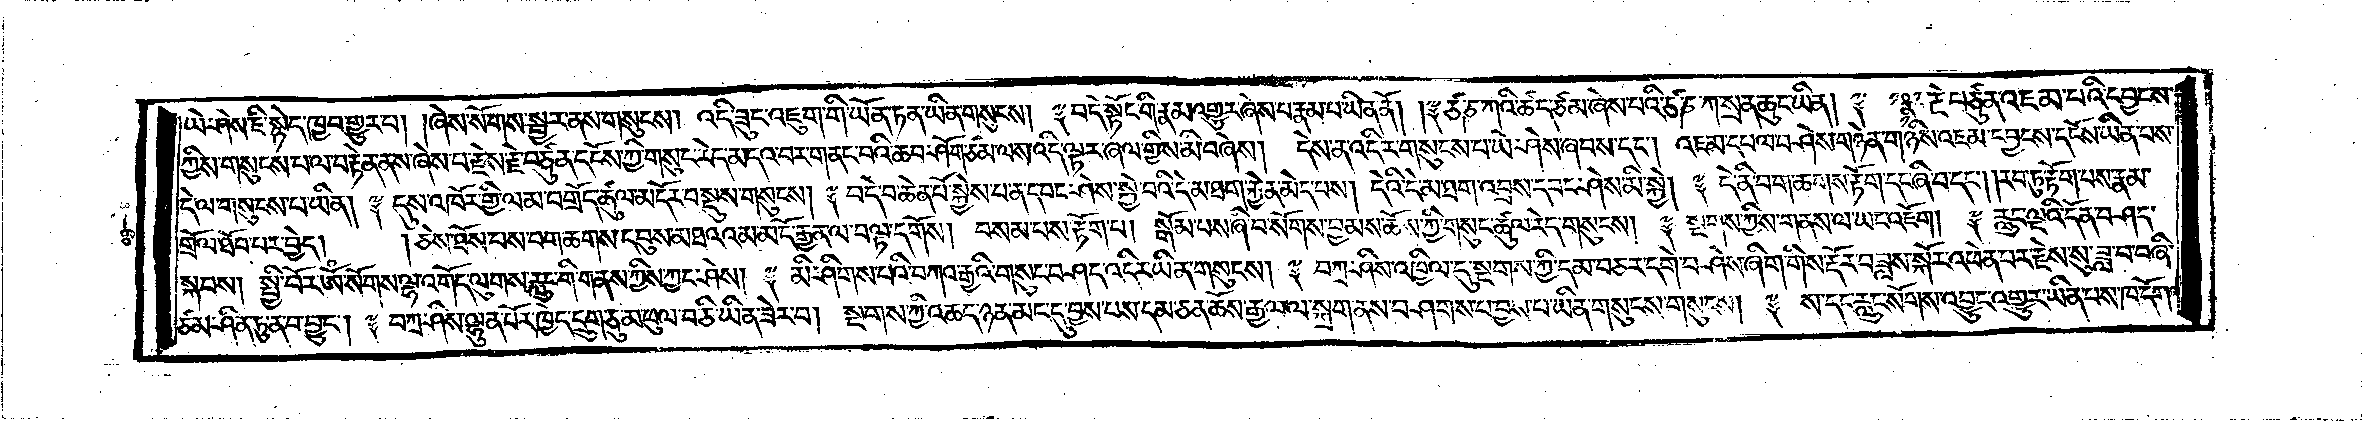ཡེ་ཤེས་ཇི་སྙེད་ཁྱབ་གྱུར་བ། །ཞེས་སོགས་སྦྱར་ནས་གསུངས། འདི་ཟུང་འཇུག་གི་ཡོན་ཏན་ཡིན་གསུངས། ༈ བདེ་སྟོང་གི་རྣམ་འགྱུར་ཞེས་པ་རྣམ་པ་ཡིན་ནོ། །༈ ཙ་ཎ་ཀའི་ཚད་ཙམ་ཞེས་པའི་ཙ་ཎ་ཀ་སྲན་ཆུང་ཡིན། ༈ ༡༢༢ན༡་རྗེ་བཙུན་འཇམ་པའི་དབྱངས་
ཀྱིས་གསུངས་པ་ལ་བརྟེན་ནས་ཞེས་པ་རྗེས་རྗེ་བཙུན་དངོས་ཀྱི་གསུང་རེད་མདའ་བར་གནང་བའི་ཆབ་ཤོག་ཙམ་ལས་འདི་ལྟར་ཞལ་གྱིས་མི་བཞེས། དེས་ན་འདིར་གསུངས་པ་ཡེ་ཤེས་ཞབས་དང་། འཇམ་དཔལ་བཤེས་གཉེན་གཉིས་འཇམ་དབྱངས་དངོས་ཡིན་པས་
དེ་ལ་གསུངས་པ་ཡིན། ༈ དུས་འཁོར་གྱི་ལམ་བགྲོད་ཚུལ་མདོར་བསྡུས་གསུངས། ༈ བདེ་བ་ཆེན་པོ་སྐྱེས་པ་ན་དབང་ཤེས་སྐྱེ་བའི་དེ་མ་ཐག་རྐྱེན་མེད་པས། དེའི་དེ་མ་ཐག་འབྲས་དབང་ཤེས་མི་སྐྱེ། ༈ དེ་ནི་བག་ཆགས་རྟོག་དང་ཞི་བ་དང་། །རབ་ཏུ་རྟོག་པས་རྣམ་
གྲོལ་ཐོབ་པར་བྱེད། །ཅེས་ཐོས་པས་བག་ཆགས་དབུས་མཐའ་འམ་མདོ་རྒྱན་ལ་བལྟ་དགོས། བསམ་པས་རྟོག་པ། སྒོམ་པས་ཞི་བ་སོགས་བྱམས་ཆོས་ཀྱི་གསུང་ཚུལ་རེད་གསུངས། ༈ སྔགས་ཀྱིས་གནས་ལ་ཡང་འཇོག། ༈ རླུང་ལྔའི་དོན་བཤད་
སྐབས། སྤྱི་བོར་ཨོཾ་སོགས་ལྷ་འགོད་ལུགས་རླུང་གི་གནས་ཀྱིས་ཀྱང་ཤེས། ༈ མི་ཤིགས་པའི་བཀའ་རྒྱའི་གསུང་བཤད་འདིར་ཡིན་གསུངས། ༈ བཀྲ་ཤིས་འཁྱིལ་དུ་སྔགས་ཀྱི་དམ་བཅར་དགེ་བཤེས་ཞིག་གིས་རྡོར་བཟླས་སྐོར་འཕེན་པར་རྗེས་སུ་ཟླ་བ་བཞི་
ཙམ་ཤིན་ཏུ་ན་བ་བྱུང་། ༈ བཀྲ་ཤིས་ལྷུན་པོར་ཁྱེད་དྲུག་ཅུ་མ་ཕུལ་བ་ཅི་ཡིན་ཟེར་བ། སྔགས་ཀྱི་འཆད་ཉན་མང་དུ་བྱས་པས་དམ་ཅན་ཆོས་རྒྱལ་ལ་སྐྲག་ནས་བཤགས་པ་བྱས་པ་ཡིན་གསུངས་གསུངས། ༈ ས་དང་རླུང་སོགས་འབྱུང་འགྱུར་ཡིན་པས་ཁ་དོག་